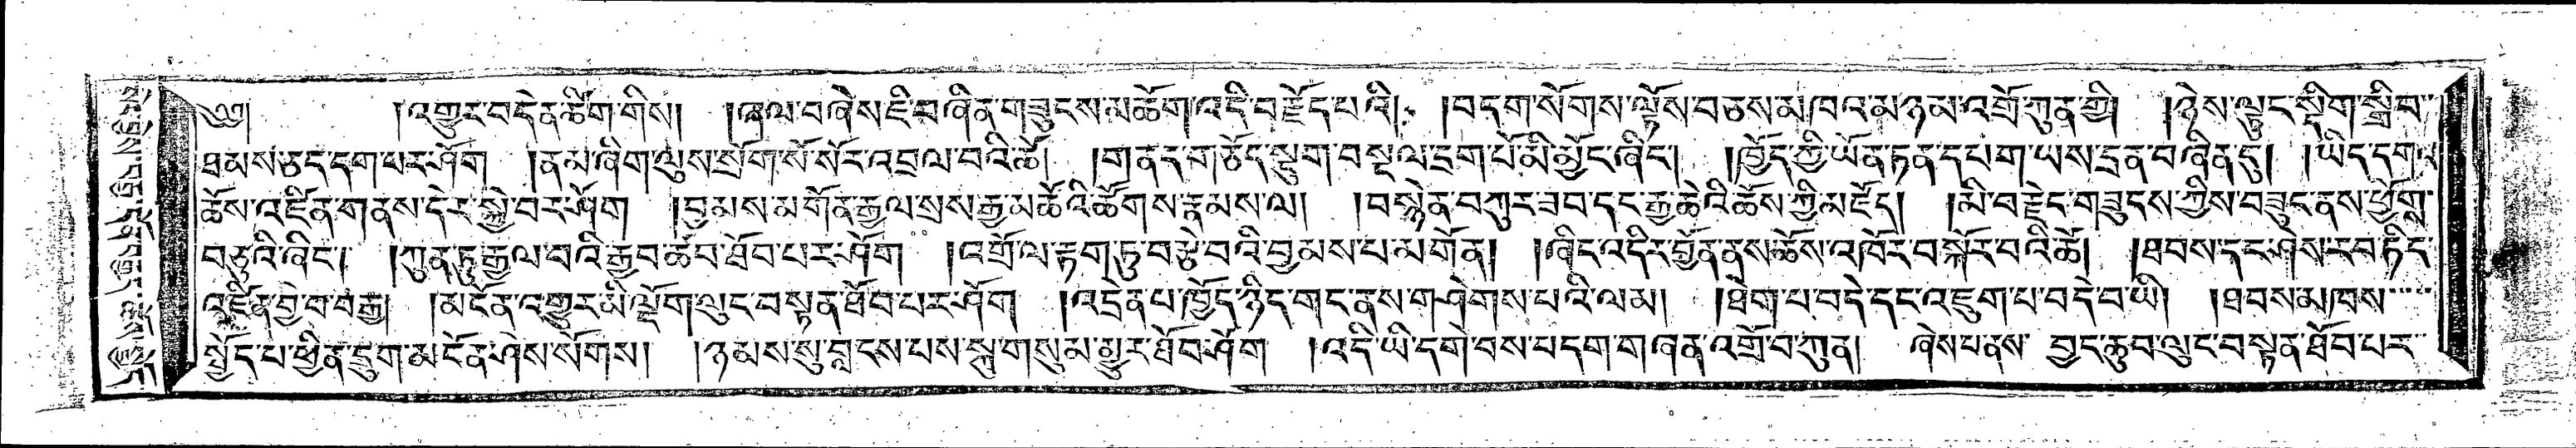༄༅། །འགྱུར་བདེན་ཚིག་གིས། །ཞལ་བཞེས་ཇི་བཞིན་གཟུངས་མཆོག་འདི་བརྗོད་པའི། །བདག་སོགས་ལྟོས་བཅས་མཁའ་མཉམ་འགྲོ་ཀུན་གྱི། །ཉེས་ལྟུང་སྡིག་སྒྲིབ་
ཐམས་ཅད་དག་པར་ཤོག །ནམ་ཞིག་ལུས་སྲོག་སོ་སོར་འབྲལ་བའི་ཚེ། །གནད་གཅོད་སྡུག་བསྔལ་དྲག་པོ་མི་མྱོང་ཞིང་། །ཁྱོད་ཀྱི་ཡོན་ཏན་དཔག་ཡས་དྲན་བཞིན་དུ། །ཡིད་དགའ་
ཆོས་འཛིན་གནས་དེར་སྐྱེ་བར་ཤོག །བྱམས་མགོན་རྒྱལ་སྲས་རྒྱ་མཚོའི་ཚོགས་རྣམས་ལ། །བསྙེན་བཀུར་ཟབ་དང་རྒྱ་ཆེའི་ཆོས་ཀྱི་མཛོད། །མི་བརྗེད་གཟུངས་ཀྱིས་བཟུང་ནས་ཕྱོགས་
བཅུའི་ཞིང་། །ཀུན་ཏུ་རྒྱལ་བའི་རྒྱབ་ཚབ་ཐོབ་པར་ཤོག །འགྲོ་ལ་རྟག་ཏུ་བརྩེ་བའི་བྱམས་པ་མགོན། །ཞིང་འདིར་བྱོན་ནས་ཆོས་འཁོར་བསྐོར་བའི་ཚེ། །ཐབས་དང་ཤེས་རབ་ཏིང་
འཛིན་བྱེ་བ་བརྒྱ། །མངོན་འགྱུར་མི་ལྡོག་ལུང་བསྟན་ཐོབ་པར་ཤོག །འདྲེན་པ་ཁྱོད་ཉིད་གང་ནས་གཤེགས་པའི་ལམ། །ཐེག་པ་བདེ་དང་འཇུག་པ་བདེ་བ་ཡི། །ཐབས་མཁས་
སྤྱོད་པ་ཕྱིན་དྲུག་མངོན་ཤེས་སོགས། །ཉམས་སུ་བླངས་པས་སྐུ་གསུམ་མྱུར་ཐོབ་ཤོག །འདི་ཡི་དགེ་བས་བདག་གཞན་འགྲོ་བ་ཀུན། ཞེས་པ་ནས། བྱང་ཆུབ་ལུང་བསྟན་ཐོབ་པར་